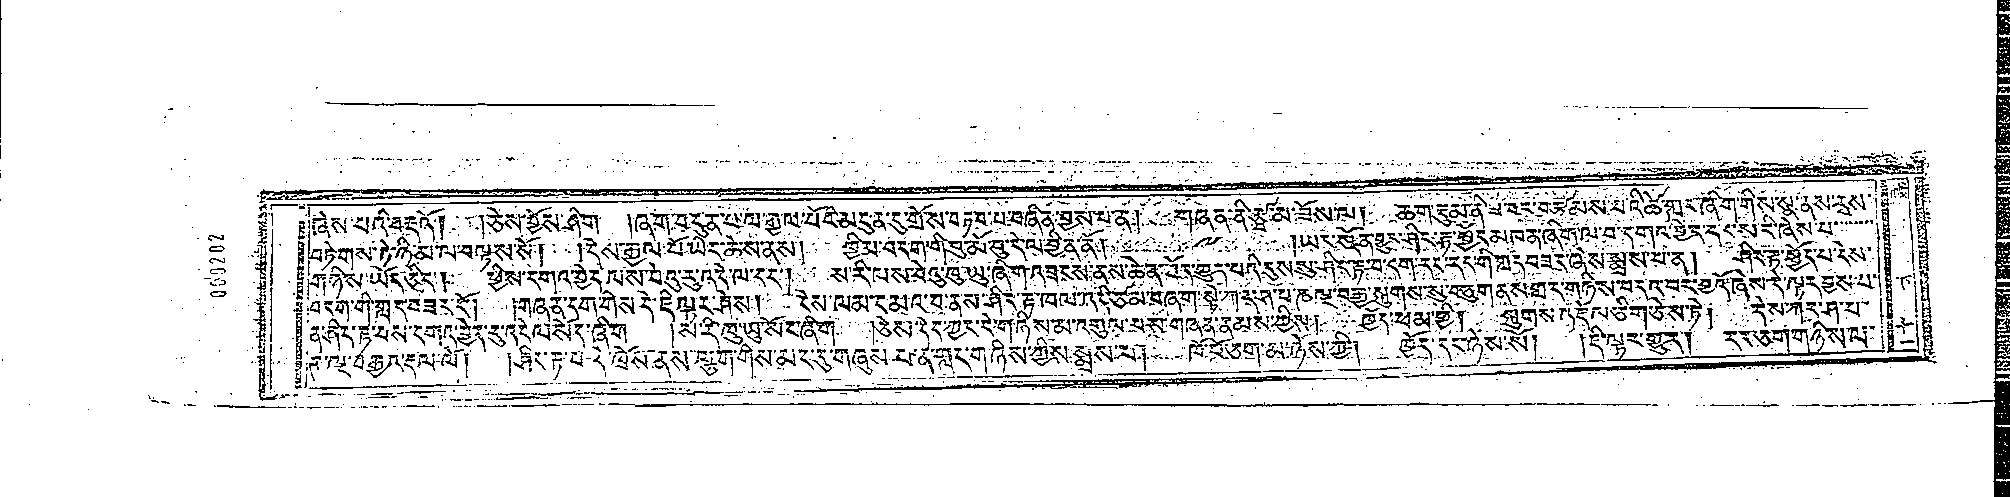ཞེས་པའི་བརྡའོ། །ཅེས་བྱོས་ཤིག །ཞག་བདུན་པ་ལ་རྒྱལ་པོའི་མདུན་དུ་གྲོས་བཏབ་པ་བཞིན་བྱས་པ་ན། གཞན་ནི་རྩྭ་མ་ཟོས་ལ། ཆག་རྡུམ་ནི་ཟ་བར་བརྩམས་པའི་ཚེ་གླང་ཞིག་གིས་སྣ་ནས་རྭས་
བཏེགས་ཏེ་ཉིམ་ལ་བལྟས་སོ། །དེས་རྒྱལ་པོ་ཡིད་ཆེས་ནས། ཁྱིམ་བདག་གི་བུ་མོ་བུ་དེ་ལ་བྱིན་ནོ། ༧་།ཡང་སྡོན་བྱུང་ཤིང་རྟ་སྤྱོད་མཁན་ཞིག་ལ་བུ་དགའ་བྱེད་དང་ས་རི་ཞེས་པ་
གཉིས་ཡོད་ཅིང་། ཕྱིས་དགའ་བྱེད་ལས་བེའུ་རུ་འདེ་ལ་དང་། ས་རི་ལས་བེའུ་ཁུ་ཡུ་ཞིག་འབྲངས་ནས་ཆེན་པོར་གྱུར་པའི་དུས་སུ་ཤིང་རྟ་བ་དག་རང་རང་གི་གླང་བཟང་ཞེས་སྨྲས་པ་ན། ཤིང་རྟ་སྤྱོད་པ་ངེས་
བདག་གི་གླང་བཟང་ངོ། །གཞན་དག་གིས་དེ་ཇི་ལྟར་ཤེས། ངེས་ལམ་དམའ་བ་ནས་ཤིང་རྟ་ཁལ་འདི་ཙམ་བཞག་སྟེ་ཀར་ཤ་པ་ཎ་ལྔ་བརྒྱ་སྐུགས་སུ་བཅུག་ནས་གླད་གཉིས་བདའ་བར་བྱའོ་ཞེས་དེ་ལྟར་བྱས་པ་
ན་ཤིང་རྟ་པས་དགའ་བྱེད་རུ་འདེལ་སོད་ཞིག །ས་རི་ཁུ་ཡུ་སོང་ཞིག །ཅེས་དེང་ཀྱང་དེ་གཉིས་མ་འགུལ་པས་གཞན་རྣམས་ཀྱིས། ཁྱོད་ཕམ་གྱི། སྐུགས་འཇོལ་ཅིག་ཅེས་ཏེ། དེས་ཀར་ཤ་པ་
ཎ་ལྔ་བརྒྱ་འཇལ་ལོ། །ཤིང་རྟ་པ་དེ་ཁྲོས་ནས་ལྕག་གིས་མང་དུ་གཞུས་པ་ན་གླང་གཉིས་ཀྱིས་སྨྲས་པ། ཁོ་བོ་ཅག་མ་ཉེས་ཀྱི། ཁྱོད་དང་ཉེས་སོ། །ཇི་ལྟར་གྱུར། རང་ཅག་གཉིས་ལ་